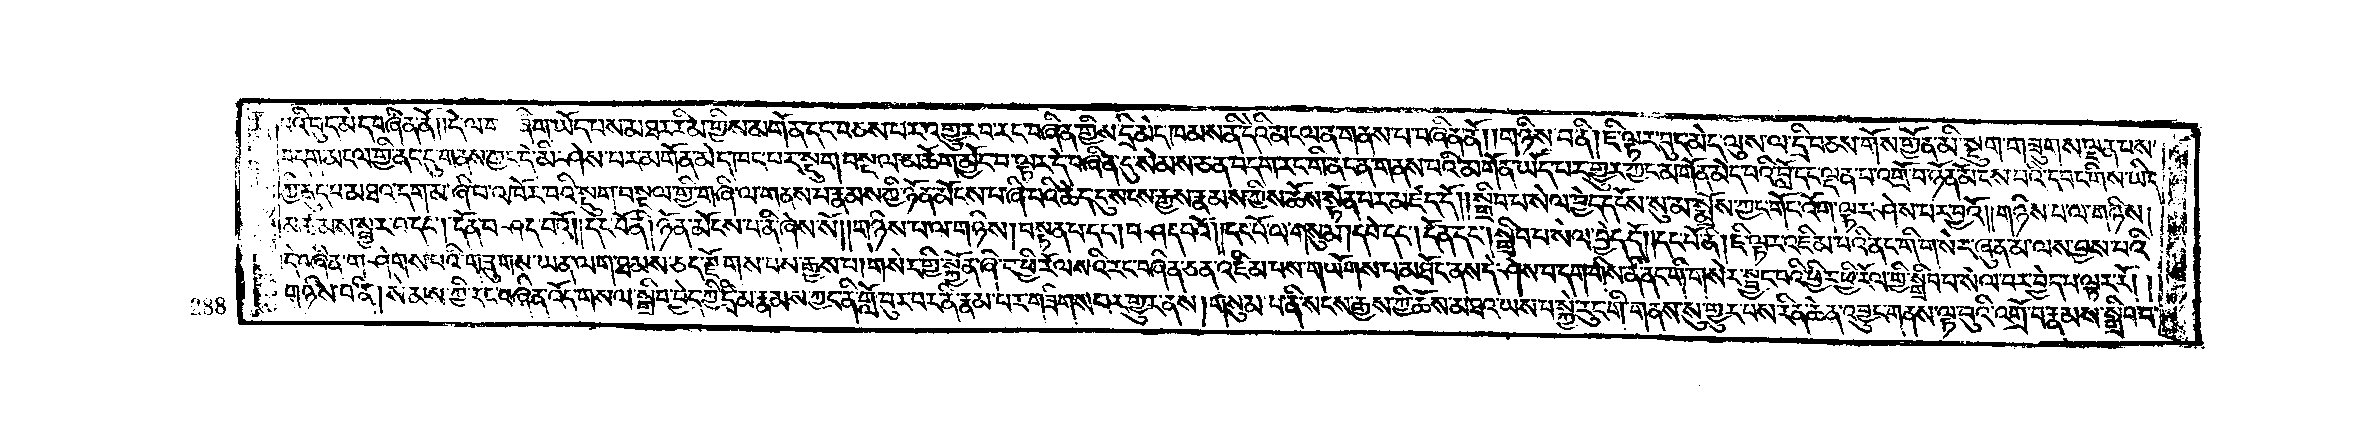པའི་བུད་མེད་བཞིན་ནོ། །དེ་ལག་ཞིག་ཡོད་པས་མཐར་རིམ་གྱིས་མགོན་དང་བཅས་པར་འགྱུར་བ་རང་བཞིན་གྱིས་དྲི་མེད་ཁམས་ནི་དེའི་མངལ་ན་གནས་པ་བཞིན་ནོ། །གཉིས་པ་ནི། ཇི་ལྟར་བུད་མེད་ལུས་ལ་དྲི་བཅས་གོས་གྱོན་མི་སྡུག་གཟུགས་ལྡན་པས་
བདག་མངལ་གྱི་ནང་དུ་གནས་ཀྱང་དེ་མི་ཤེས་པར་མགོན་མེད་ཁང་པར་སྡུག་བསྔལ་མཆོག་མྱོང་བ་ལྟར་དེ་བཞིན་དུ་སེམས་ཅན་བདག་རང་གི་ནང་ན་གནས་པའི་མགོན་ཡོད་པར་གྱུར་ཀྱང་མགོན་མེད་པའི་བློ་དང་ལྡན་པ་འགྲོ་བ་ཉོན་མོངས་པའི་དབང་གིས་ཡིད་
ཀྱི་རྒུད་པ་མཐའ་དག་མ་ཞི་བ་འཁོར་བའི་སྡུག་བསྔལ་གྱི་གཞི་ལ་གནས་པ་རྣམས་ཀྱི་ཉོན་མོངས་པ་ཞི་བའི་ཆེད་དུ་སངས་རྒྱས་རྣམས་ཀྱིས་ཆོས་སྟོན་པར་མཛད་དོ། །སྒྲིབ་པ་སེལ་བྱེད་དངོས་སུ་མ་སྨྲོས་ཀྱང་གོང་འོག་ལྟར་ཤེས་པར་བྱའོ། །གཉིས་པ་ལ་གཉིས།
མཚམས་སྦྱར་བ་དང་། དོན་བཤད་པའོ། །དང་པོ་ནི། ཉོན་མོངས་པ་ནི་ཞེས་སོ། །གཉིས་པ་ལ་གཉིས། བསྟན་པ་དང་། བཤད་པའོ། །དང་པོ་ལ་གསུམ། དཔེ་དང་། དོན་དང་། སྒྲིབ་པ་སེལ་བྱེད་དོ། །དང་པོ་ནི། ཇི་ལྟར་འཇིམ་པའི་ནང་གི་གསེར་ཞུན་མ་ལས་བྱས་པའི་
དེ་བཞིན་གཤེགས་པའི་གཟུགས་ཡན་ལག་ཐམས་ཅད་རྫོགས་པས་རྒྱས་པ། གསེར་གྱི་སྐྱོན་ཞི་བ་ཕྱི་རོལ་ལ?་སའི་རང་བཞིན་ཅན་འཇིམ་པས་གཡོགས་པ་མཐོང་ནས་དེ་ཤེས་པ་དག་གིས་ནི་ནང་གི་གསེར་སྦྱང་བའི་ཕྱིར་ཕྱི་རོལ་གྱི་སྒྲིབ་པ་སེལ་བར་བྱེད་པ་ལྟར་རོ། །
གཉིས་པ་ནི། སེམས་ཀྱི་རང་བཞིན་འོད་གསལ་སྒྲིབ་བྱེད་ཀྱི་དྲི་མ་རྣམས་ཀྱང་ནི་གློ་བུར་བར་ནི་རྣམ་པར་གཟིགས་པར་གྱུར་ནས། གསུམ་པ་ནི་སངས་རྒྱས་ཀྱི་ཆོས་མཐའ་ཡས་པ་སྐྱེ་རུང་གི་གནས་སུ་གྱུར་པས་རིན་ཆེན་འབྱུང་གནས་ལྟ་བུའི་འགྲོ་བ་རྣམས་སྒྲིབ་པ་